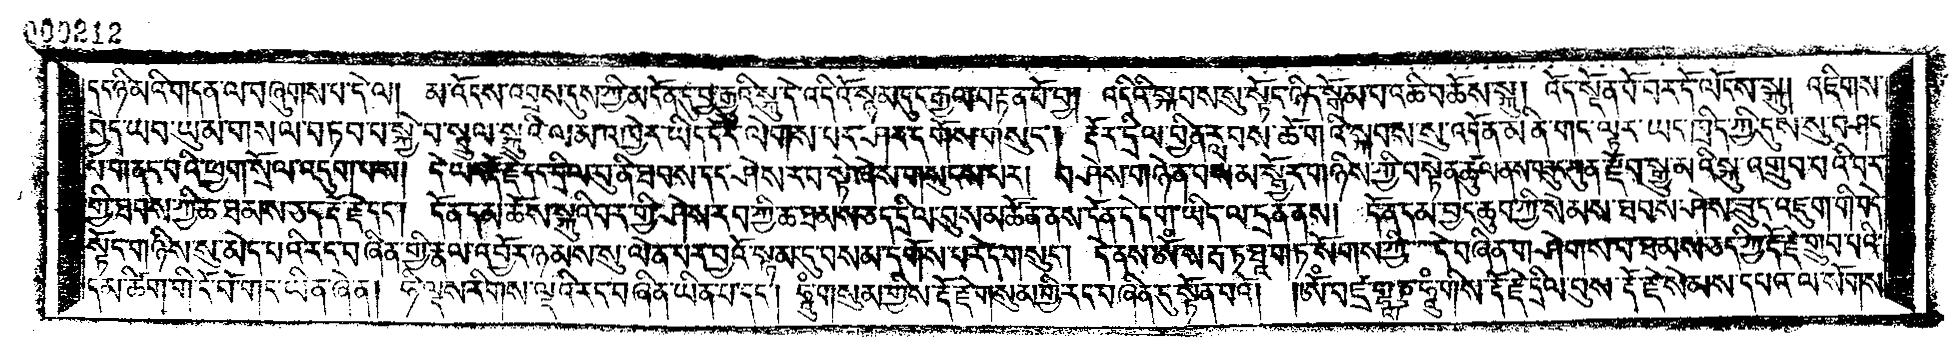དང་ཉི་མའི་གདན་ལ་བཞུགས་པ་དེ་ལ། མ་འོངས་འབྲས་དུས་ཀྱི་མངོན་དུ་བྱ་རྒྱུའི་སྐུ་དེ་འདིའོ་སྙམ་དུ་ང་རྒྱལ་བརྟན་པོ་བྱ། འདིའི་སྐབས་སུ་སྟོང་ཉིད་སྒོམ་པ་འཆི་བ་ཆོས་སྐུ། འོད་སྔོན་པོ་བར་དོ་ལོངས་སྐུ། འཇིགས་
བྱེད་ཡབ་ཡུམ་གསལ་བཏབ་པ་སྐྱེ་བ་སྤྲུལ་སྐུའི་ལམ་འཁྱེར་ཡིད་ངོར་ལེགས་པར་ཤར་དགོས་གསུང་། རྡོར་དྲིལ་བྱིན་རླབས་ཆོ་གའི་སྐབས་སུ་འདོན་མིན་གང་ལྟར་ཡང་ཁྲིད་ཀྱི་དུས་སུ་བཤད་
པ་གནང་བའི་ཕྱག་སྲོལ་འདུག་པས། དེ་ཡང་རྡོ་རྗེ་དང་དྲིལ་བུ་ནི་ཐབས་དང་ཤེས་རབ་སྟེ་ཞེས་གསུངས་པར། བཤེས་གཉེན་བསམ་སྦྱོར་གཉིས་ཀྱི་བསྟེན་ཚུལ་ནས་བཟུང་ཀུན་རྫོབ་སྒྱུ་མའི་སྐུ་འགྲུབ་པའི་བར་
གྱི་ཐབས་ཀྱི་ཆ་ཐམས་ཅད་རྡོ་རྗེ་དང་། དོན་དམ་ཆོས་སྐུའི་བར་གྱི་ཤེས་རབ་ཀྱི་ཆ་ཐམས་ཅད་དྲིལ་བུས་མཚོན་ནས་དོན་དེ་དག་ཡིད་ལ་དྲན་ནས། དོན་དམ་བྱང་ཆུབ་ཀྱི་སེམས་ཐབས་ཤེས་ཟུང་འཇུག་གི་བདེ་
སྟོང་གཉིས་སུ་མེད་པའི་རང་བཞིན་གྱི་རྣལ་འབྱོར་ཉམས་སུ་ལེན་པར་བྱའོ་སྙམ་དུ་བསམ་དགོས་པ་རེད་གསུང་། དེ་ནས་ཨོཾ་སརྦ་ཏ་ཐཱ་ག་ཏ་སོགས་ཀྱི་དེ་བཞིན་གཤེགས་པ་ཐམས་ཅད་ཀྱི་རྡོ་རྗེ་གྲུབ་པའི་
དམ་ཚིག་གི་ངོ་བོ་གང་ཡིན་ཞེ་ན། ཧི་ལྔས་རིགས་ལྔའི་རང་བཞིན་ཡིན་པ་དང་། ཧཱུཾ་གསུམ་གྱིས་རྡོ་རྗེ་གསུམ་གྱི་རང་བཞིན་དུ་སྟོན་པའོ། །ཨོཾ་བཛྲ་གྷཱཎྜ་ཧཱུཾ་གིས་རྡོ་རྗེ་དྲིལ་བུས་རྡོ་རྗེ་སེམས་དཔའ་ལ་སོགས་